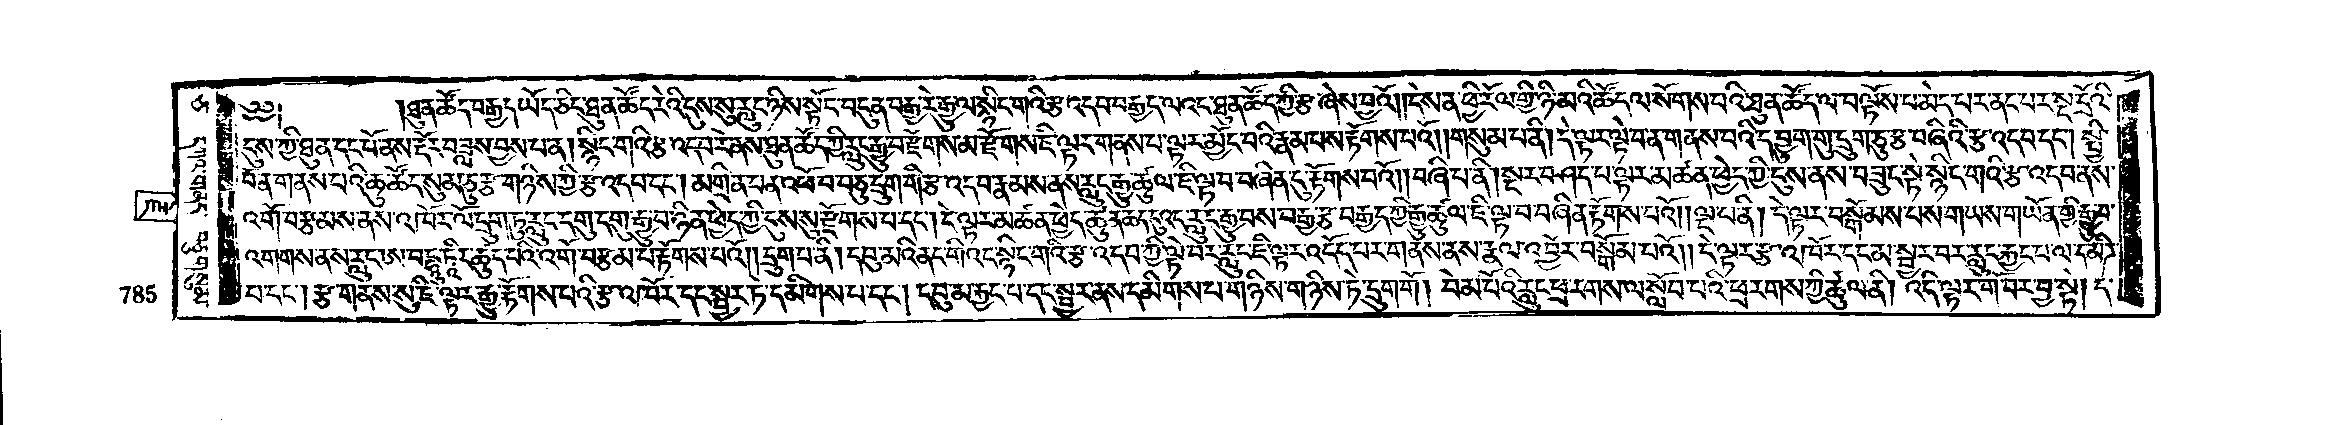༄༅། །ཐུན་ཚོད་བརྒྱད་ཡོད་ཅིང་ཐུན་ཚོད་རེའི་དུས་སུ་རླུང་ཉིས་སྟོང་བདུན་བརྒྱ་རེ་རྒྱུ་ལ་སྙིང་གའི་རྩ་འདབ་བརྒྱད་ལའང་ཐུན་ཚོད་ཀྱི་རྩ་ཞེས་བྱའོ། །དེས་ན་ཕྱི་རོལ་གྱི་ཉི་མའི་ཚོད་ལ་སོགས་པའི་ཐུན་ཚོད་ལ་བལྟོས་པ་མེད་པར་ནང་པར་སྔ་དྲོའི་
དུས་ཀྱི་ཐུན་དང་པོ་ནས་རྡོར་བཟླས་བྱས་པ་ན། སྙིང་གའི་རྩ་འདབ་རེ་ནས་ཐུན་ཚོད་ཀྱི་རླུང་རྒྱུ་བ་རྫོགས་མ་རྫོགས་ཇི་ལྟར་གནས་པ་ལྟར་མྱོང་བའི་རྣམ་པས་རྟོགས་པའོ། །གསུམ་པ་ནི། དེ་ལྟར་ལྟེ་བ་ན་གནས་པའི་དབྱུག་གུ་དྲུག་ཅུ་རྩ་བཞིའི་རྩ་འདབ་དང་། སྤྱི་
བོ་ན་གནས་པའི་ཆུ་ཚོད་སུམ་ཅུ་རྩ་གཉིས་ཀྱི་རྩ་འདབ་དང་། མགྲིན་པ་ན་འཕོ་བ་བཅུ་དྲུག་གི་རྩ་འདབ་རྣམས་ནས་རླུང་རྒྱུ་ཚུལ་ཇི་ལྟ་བ་བཞིན་དུ་རྟོགས་པའོ། །བཞི་པ་ནི། སྔར་བཤད་པ་ལྟར་མཚན་ཕྱེད་ཀྱི་དུས་ནས་བཟུང་སྟེ་སྙིང་གའི་རྩ་འདབ་ནས་
འགོ་བརྩམས་ནས་འཁོར་ལོ་དྲུག་ཏུ་རླུང་དགུ་དགུ་རྒྱུ་བ་ཉིན་ཕྱེད་ཀྱི་དུས་སུ་རྫོགས་པ་དང་། དེ་ལྟར་མཚན་ཕྱེད་ཚུན་ཆད་དུའང་རླུང་རྒྱུ་བས་བརྒྱ་རྩ་བརྒྱད་ཀྱི་རྒྱུ་ཚུལ་ཇི་ལྟ་བ་བཞིན་རྟོགས་པའོ། །ལྔ་པ་ནི། དེ་ལྟར་བསྒོམས་པས་གཡས་གཡོན་གྱི་རྒྱུ་བ་
འགགས་ནས་རླུང་ཨ་བ་དྷཱུ་ཏཱིར་ཚུད་པའི་འགོ་བརྩམ་པ་རྟོགས་པའོ། །དྲུག་པ་ནི། དབུ་མའི་ནང་གིའང་སྙིང་གའི་རྩ་འདབ་ཀྱི་ལྟེ་བར་རླུང་ཇི་ལྟར་འདོད་པར་གནས་ནས་རྣལ་འབྱོར་བསྒོམ་པའོ། །དེ་ལྟར་རྩ་འཁོར་དང་མ་སྦྱར་བར་རླུང་རྐྱང་པ་ལ་དམིགས་
པ་དང་། རྩ་གནས་སུ་ཇི་ལྟར་རྒྱུ་རྟོགས་པའི་རྩ་འཁོར་དང་སྦྱར་ཏེ་དམིགས་པ་དང་། དབུ་མ་རྐྱང་པ་དང་སྦྱར་ནས་དམིགས་པ་གཉིས་གཉིས་ཏེ་དྲུག་གོ །བེམ་པོའི་རླུང་ཕྲ་རགས་ལ་སློབ་པའི་ཕྲ་རགས་ཀྱི་ཚུལ་ནི། འདི་ལྟར་གོ་བར་བྱ་སྟེ། དེ་